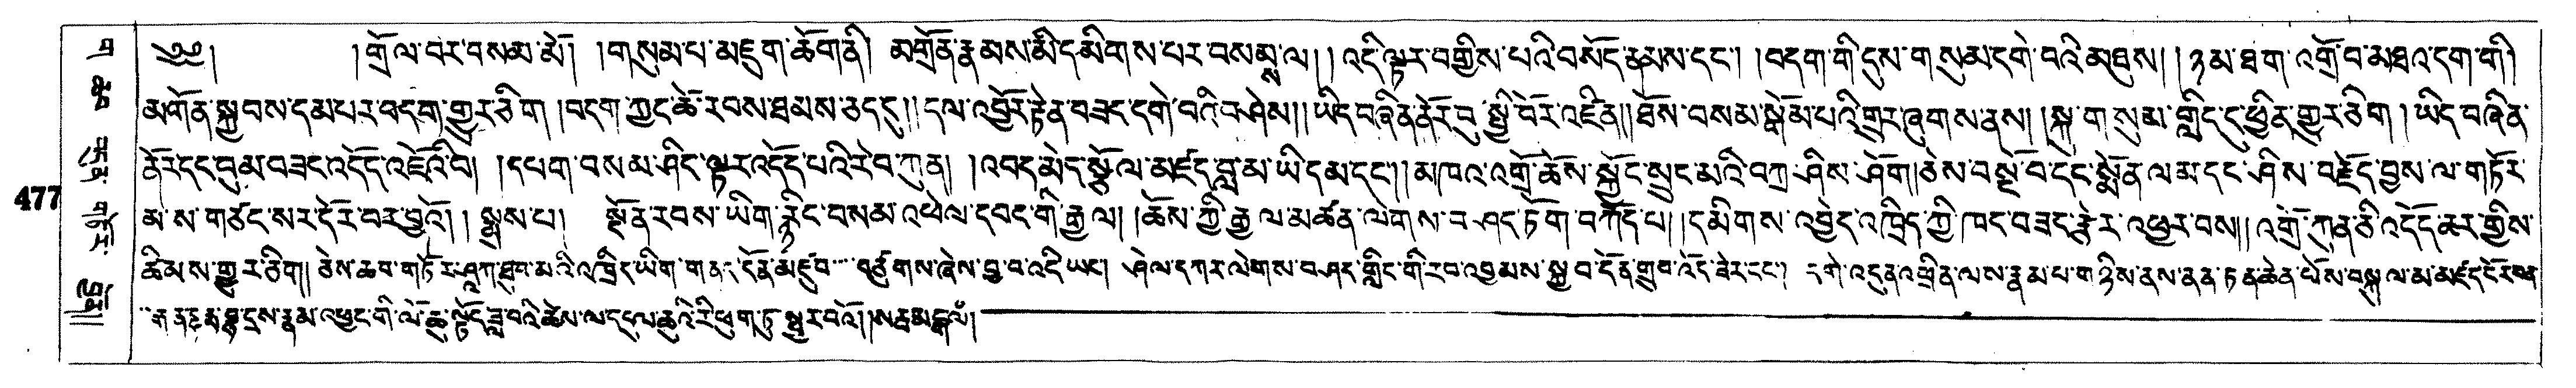༄༅། །གྲོལ་བར་བསམ་མོ། །གསུམ་པ་མཇུག་ཆོག་ནི། མགྲོན་རྣམས་མི་དམིགས་པར་བསམས་ལ། །འདི་ལྟར་བགྱིས་པའི་བསོད་ནམས་དང་། །བདག་གི་དུས་གསུམ་དགེ་བའི་མཐུས། །ཉམ་ཐག་འགྲོ་བ་མཐའ་དག་གི།
མགོན་སྐྱབས་དམ་པར་བདག་གྱུར་ཅིག །བདག་ཀྱང་ཚེ་རབས་ཐམས་ཅད་དུ། །དལ་འབྱོར་རྟེན་བཟང་དགེ་བའི་བཤེས། །ཡིད་བཞིན་ནོར་བུ་སྤྱི་བོར་འཛིན། །ཐོས་བསམ་སྒོམ་པའི་གྲུར་ཞུགས་ནས། །སྐུ་གསུམ་གླིང་དུ་ཕྱིན་གྱུར་ཅིག །ཡིད་བཞིན་
ནོར་དང་བུམ་བཟང་འདོད་འཇོའི་བ། །དཔག་བསམ་ཤིང་ལྟར་འདོད་པའི་རེ་བ་ཀུན། །འབད་མེད་སྩོལ་མཛད་བླ་མ་ཡི་དམ་དང་། །མཁའ་འགྲོ་ཆོས་སྐྱོང་སྲུང་མའི་བཀྲ་ཤིས་ཤོག །ཅེས་བསྔོ་བ་དང་སྨོན་ལམ་དང་ཤིས་བརྗོད་བྱས་ལ་གཏོར་
མ་ས་གཙང་སར་དོར་བར་བྱའོ། །སྨྲས་པ། སྔོན་རབས་ཡིག་རྙིང་བསམ་འཕེལ་དབང་གི་རྒྱལ། །ཆོས་ཀྱི་རྒྱལ་མཚན་ལེགས་བཤད་ཏོག་བཀོད་པ། །དམིགས་འབྱེད་འཁྲིད་ཀྱི་ཁང་བཟང་རྩེར་འཕྱར་བས། །འགྲོ་ཀུན་ཅི་འདོད་ཆར་གྱིས་
ཚིམས་གྱུར་ཅིག ། ཅེས་ཆབ་གཏོར་ཤཱཀ་ཐུབ་མའི་འཁྲིད་ཡིག་གནང་?་དོན་མཛུབ་བཙུགས་ཞེས་བྱ་བ་འདི་ཡང་། ཤེལ་དཀར་ལེགས་བཤད་གླིང་གི་རབ་འབྱམས་སྐྱ་བ་དོན་གྲུབ་འོད་ཟེར་དང་། དགེ་འདུན་འཕྲིན་ལས་རྣམ་པ་གཉིས་ནས་ནན་ཏན་ཆེན་པོས་བསྐུལ་མ་མཛད་ངོར་བར་?
རྒན་དྷརྨ་བྷ་དྲས་རྣམ་འཕྱང་གི་ལོ་ཆུ་སྟོད་ཟླ་བའི་ཚེས་ལ་དངུལ་ཆུའི་རི་ཕུག་ཏུ་སྦྱར་བའོ། །སརྦ་མདག་ལཾ། ?